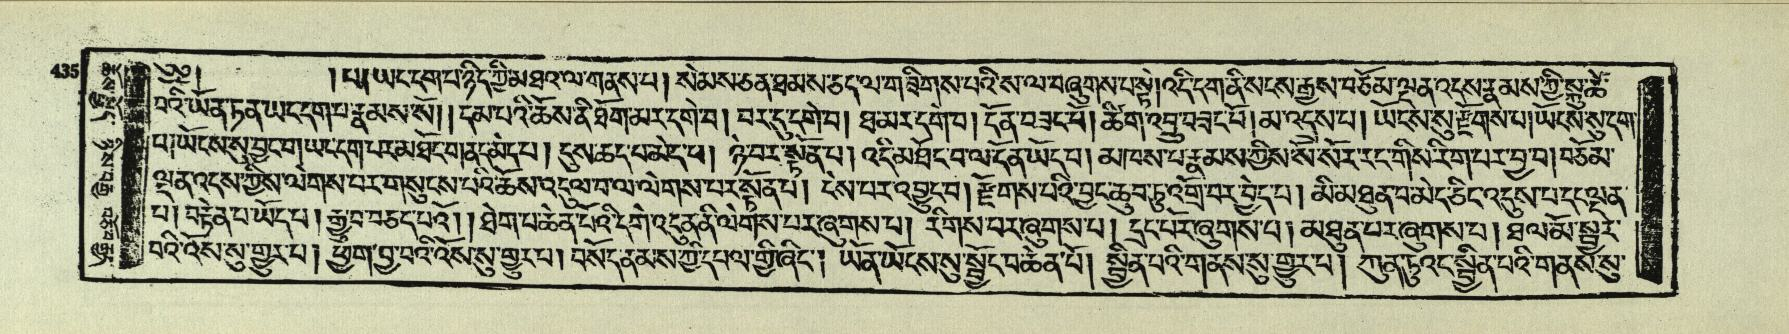༄༅། །པ་ཡང་དག་པ་ཉིད་ཀྱི་མཐའ་ལ་གནས་པ། སེམས་ཅན་ཐམས་ཅད་ལ་གཟིགས་པའི་ས་ལ་བཞུགས་པ་སྟེ། འདི་དག་ནི་སངས་རྒྱས་བཅོམ་ལྡན་འདས་རྣམས་ཀྱི་སྐུ་ཚེ་
བའི་ཡོན་ཏན་ཡང་དག་པ་རྣམས་སོ། །དམ་པའི་ཆོས་ནི་ཐོག་མར་དགེ་བ། བར་དུ་དགེ་བ། ཐ་མར་དགེ་བ། དོན་བཟང་པོ། ཚིག་འབྲུ་བཟང་པོ། མ་འདྲས་པ། ཡོངས་སུ་རྫོགས་པ། ཡོངས་སུ་དག་
པ། ཡོངས་སུ་བྱང་བ། ཡང་དག་པར་མཐོང་བ། ནད་མེད་པ། དུས་ཆད་པ་མེད་པ། ཉེ་བར་སྟོན་པ། འདི་མཐོང་བ་ལ་དོན་ཡོད་པ། མཁས་པ་རྣམས་ཀྱིས་སོ་སོར་རང་གིས་རིག་པར་བྱ་བ། བཅོམ་
ལྡན་འདས་ཀྱིས་ལེགས་པར་གསུངས་པའི་ཆོས་འདུལ་བ་ལ་ལེགས་པར་སྟོན་པ། ངེས་པར་འབྱུང་བ། རྫོགས་པའི་བྱང་ཆུབ་ཏུ་འགྲོ་བར་བྱེད་པ། མི་མཐུན་པ་མེད་ཅིང་འདུས་པ་དང་ལྡན་
པ། བརྟེན་པ་ཡོད་པ། རྒྱུ་བ་བཅད་པའོ། །ཐེག་པ་ཆེན་པོའི་དགེ་འདུན་ནི་ལེགས་པར་ཞུགས་པ། རིགས་པར་ཞུགས་པ། དྲང་པོར་ཞུགས་པ། མཐུན་པར་ཞུགས་པ། ཐལ་མོ་སྦྱར་
བའི་འོས་སུ་གྱུར་པ། ཕྱག་བྱ་བའི་འོས་སུ་གྱུར་པ། བསོད་ནམས་ཀྱི་དཔལ་གྱི་ཞིང་། ཡོན་ཡོངས་སུ་སྦྱོང་བ་ཆེན་པོ། སྦྱིན་པའི་གནས་སུ་གྱུར་པ། ཀུན་ཏུའང་སྦྱིན་པའི་གནས་སུ་